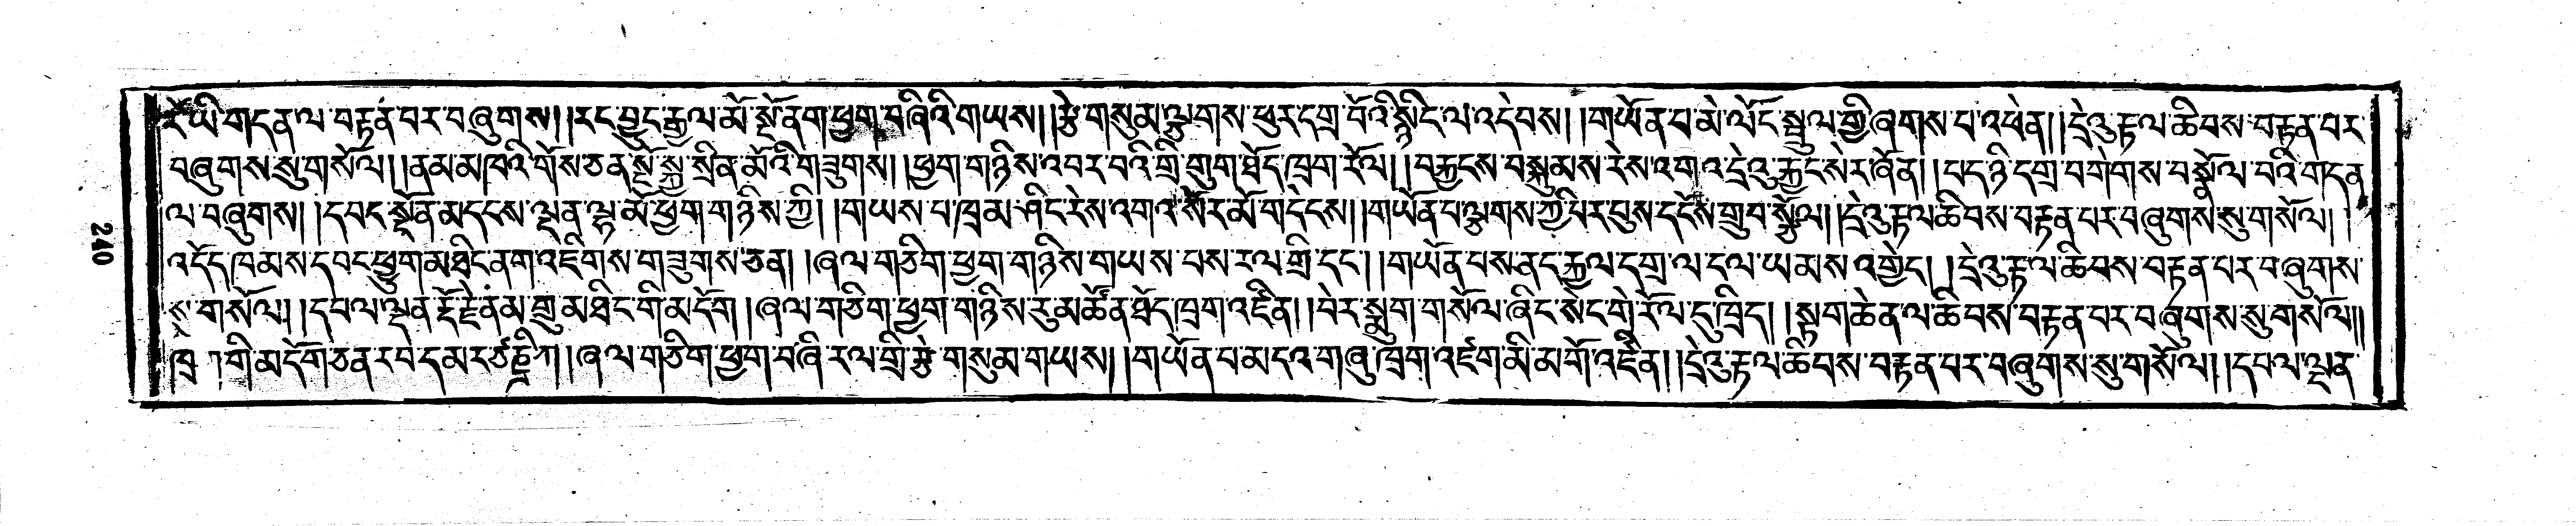རོ་ཡི་གདན་ལ་བརྟན་པར་བཞུགས། །རང་བྱུང་རྒྱལ་མོ་སྔོ་ནག་ཕྱག་བཞིའི་གཡས། །རྩེ་གསུམ་ལྕགས་ཕུར་དགྲ་བོའི་སྙིང་ལ་འདེབས། །གཡོན་པ་མེ་ལོང་སྦྲུལ་གྱི་ཞགས་པ་འཕེན། །དྲེའུ་རྟ་ལ་ཆིབས་བརྟན་པར་
བཞུགས་སུ་གསོལ། །ནམ་མཁའི་གོས་ཅན་སྔོ་སྐྱ་སྲིན་མོའི་གཟུགས། །ཕྱག་གཉིས་འབར་བའི་གྲི་གུག་ཐོད་ཁྲག་རོལ། །བརྐྱངས་བསྐུམས་རེས་འགའ་དྲེའུ་རྐྱང་སེར་ཞོན། །པད་ཉི་དགྲ་བགེགས་བསྣོལ་བའི་གདན་
ལ་བཞུགས། །དབང་སྔོན་མདངས་ལྡན་ལྷ་མོ་ཕྱག་གཉིས་ཀྱི། །གཡས་པ་ཁྲམ་ཤིང་རེས་འགའ་སོར་མོ་གདེངས། །གཡོན་པ་ལྕགས་ཀྱི་པར་བུས་དངོས་གྲུབ་སྩོལ། །དྲེའུ་རྟ་ལ་ཆིབས་བརྟན་པར་བཞུགས་སུ་གསོལ། །
འདོད་ཁམས་དབང་ཕྱུག་མཐིང་ནག་འཇིགས་གཟུགས་ཅན། །ཞལ་གཅིག་ཕྱག་གཉིས་གཡས་པས་རལ་གྲི་དང་། །གཡོན་པས་ནད་རྐྱལ་དགྲ་ལ་ངལ་ཡམས་འགྱེད། །དྲེའུ་རྟ་ལ་ཆིབས་བརྟན་པར་བཞུགས་
སུ་གསོལ། །དཔལ་ལྡན་རྡོ་རྗེ་ནམ་གྲུ་མཐིང་གི་མདོག །ཞལ་གཅིག་ཕྱག་གཉིས་རུ་མཚོན་ཐོད་ཁྲག་འཛིན། །བེར་སྨུག་གསོལ་ཞིང་སེང་གེ་རོལ་དུ་ཁྲིད། །སྟག་ཆེན་ལ་ཆིབས་བརྟན་པར་བཞུགས་སུ་གསོལ། །
ཁྲག་གི་མདོག་ཅན་རབ་དམར་ཙཎྜི་ཀ། ཞལ་གཅིག་ཕྱག་བཞི་རལ་གྲི་རྩེ་གསུམ་གཡས། །གཡོན་པ་མདའ་གཞུ་ཁྲག་འཛག་མི་མགོ་འཛིན། །དྲེའུ་རྟ་ལ་ཆིབས་བརྟན་པར་བཞུགས་སུ་གསོལ། །དཔལ་ལྡན་